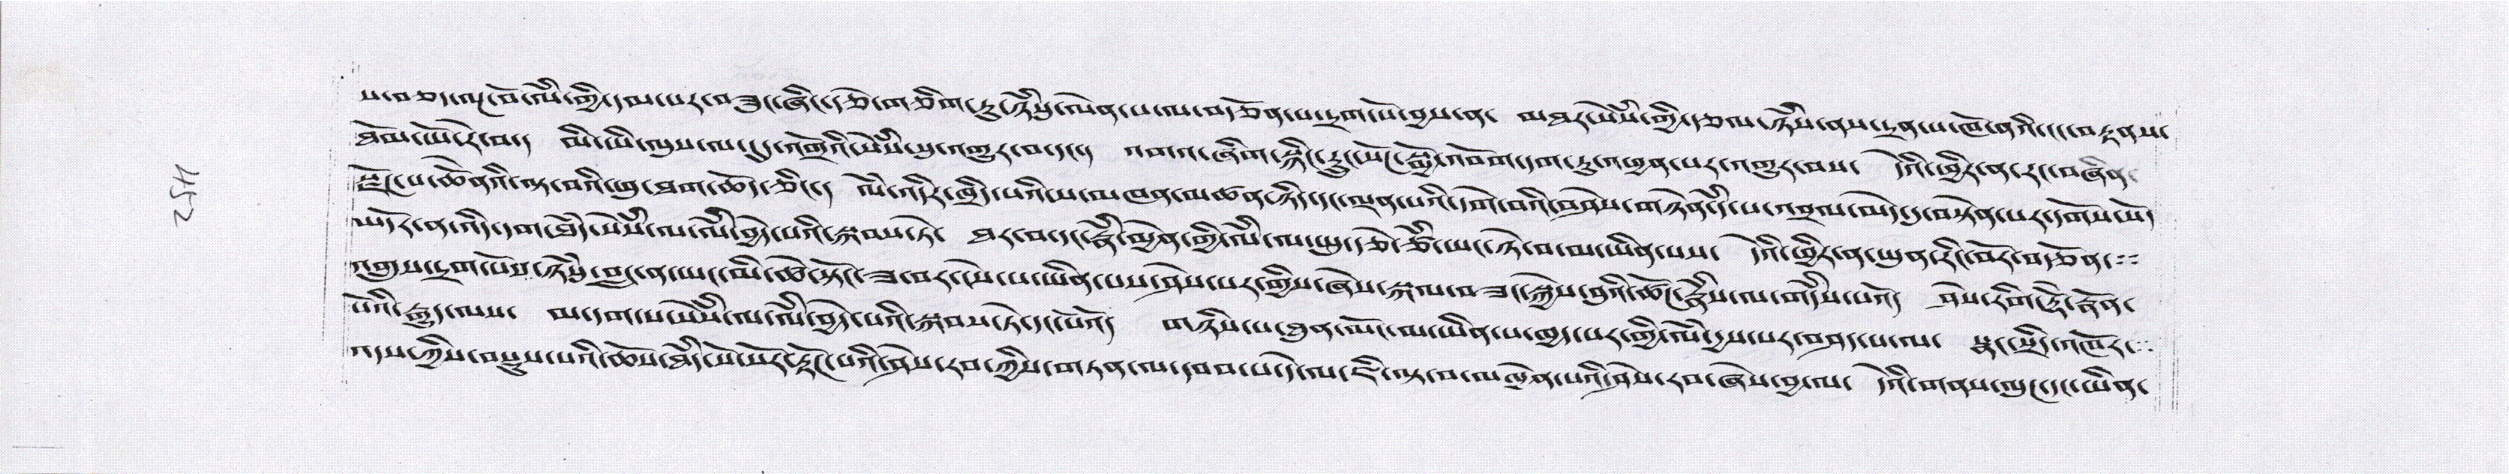ས་བཅད་ལྔ་པོ་ལམ་གྱི་དམ་པར་བཟུང་ཞིང་རྩེ་གཅིག་ཏུ་ཉམས་སུ་ལེན་པ་ལ་བརྩོན་པ་དྲག་པོ་བྱས་ན། མཐར་སེམས་ཀྱི་རྩལ་ཉམས་ནས་དྲན་པ་ཁོ་ནའི་ངང་བརྟན་ནས་
ཐོམ་ཡོར་རེ་བ་མི་ཡི་ལུས་ལ་དུད་འགྲོའི་སེམས་སུ་འགྱུར་བ་དང་། འགའ་ཞིག་སྙིང་རླུང་སོགས་སྨྱོ་འབོགས་དག་ཏུ་འཕྱན་པར་འགྱུར་བས། དེའི་ཕྱིར་ན་རང་བཞིན་
རྫོགས་པ་ཆེན་པོའི་ལྟ་བའི་ཕུ་ཐག་ཆོད་ཅིང་། ལམ་འདིར་ཁྲིད་པའི་ས་མཁན་མཚན་ཉིད་དང་ལྡན་པའི་དགེ་བའི་བཤེས་གཉེན་དམ་པ་འབྲལ་མེད་དུ་བསྟེན་པར་དགོས་སོ།
མདོར་ན་འདི་དག་ཐམས་ཅད་སེམས་ལ་ལམ་བྱེད་པའི་སྐབས་ཏེ། ཐར་པ་དང་རྣམ་མཁྱེན་གྱི་ལམ་ལ་སྤུ་རྩེ་ཙམ་ཡང་ཉེ་བ་མ་ཡིན་པས། དེའི་ཕྱིར་ན་ཡུན་རིང་པོར་བརྩོན་
འགྲུས་དྲག་པོས་ཉམས་སུ་བླང་ན་ཡང་མི་ཚེ་སྟོང་ཟ་བར་ངེས་པ་ཡིན་པས་ཤེས་པར་གྱིས་ཞེས་སྐལ་བཟང་སྐྱེས་བུའི་ཚོགས་རྣམས་ལ་གདམས་པའོ། ཤེས་རིག་རྡོ་རྗེ་རྣོན་
པོའི་རྒྱུད་ལས། མ་དག་པ་སེམས་ལ་ལམ་བྱེད་པའི་སྐབས་ཏེ་དང་པོའོ། །གཉིས་པ་ཐུན་མོང་མ་ཡིན་པ་ཁྱད་པར་གྱི་ལམ་རྒྱས་པར་བཤད་པ་ལ། སྣང་སྲིད་འཁོར་
འདས་ཀྱིས་བསྡུས་པའི་ཆོས་ཐམས་ཅད་སོ་སོར་རྟོགས་པའི་ཤེས་རབ་ཀྱིས་གཏན་ལ་དབབ་པ་དེ་ལ་ཇི་ལྟ་བ་མཁྱེན་པའི་ཤེས་རབ་ཅེས་བྱ་ལ། དེའི་གནས་ལུགས་དང་ཡིན་